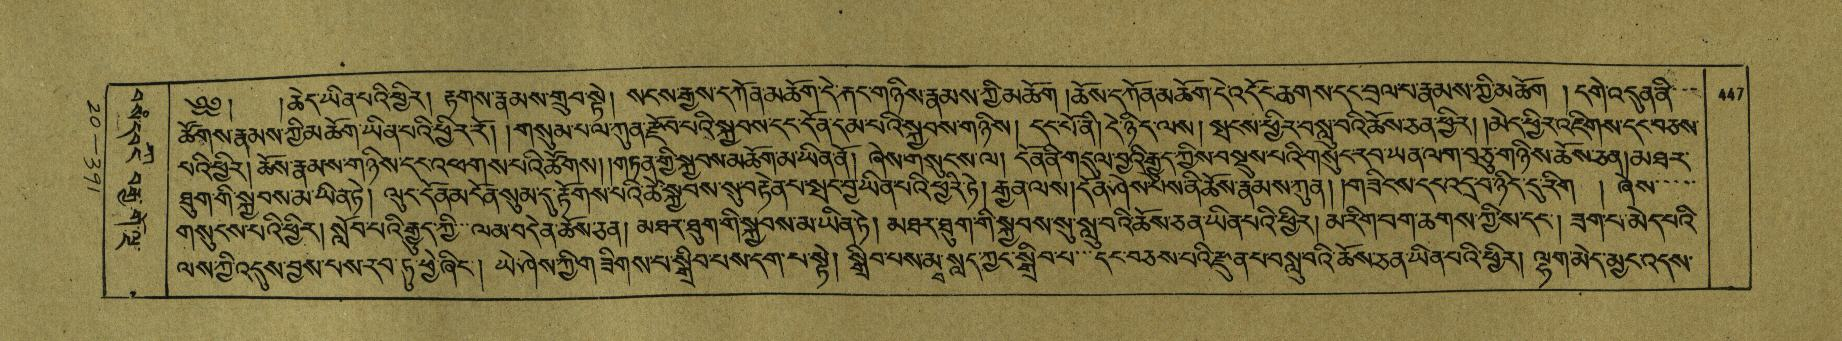༄༅། །ཆེད་ཡིན་པའི་ཕྱིར། རགས་རྣམས་གྲུབ་སྟེ། སངས་རྒྱས་དཀོན་མཆོག་དེ་རྐང་གཉིས་རྣམས་ཀྱི་མཆོག །ཆོས་དཀོན་མཆོག་དེ་འོད་ང་ཆགས་དང་བྲལ་པ་རྣམས་ཀྱི་མཆོག །དགེ་འདུན་ནི་
ཚོགས་རྣམས་ཀྱི་མཆོག་ཡིན་པའི་ཕྱིར་རོ། །གསུམ་པ་ལ་ཀུན་རྫོབ་པའི་སྐྱབས་དང་དོན་དམ་པའི་སྐྱབས་གཉིས། དང་པོ་ནི། དེ་ཉིད་ལས། སྤངས་ཕྱིར་བསླུ་བའི་ཆོས་ཅན་ཕྱིར། །མེད་ཕྱིར་འཇིགས་དང་བཅས་
པའི་ཕྱིར། ཆོས་རྣམས་གཉིས་དང་འཕགས་པའི་ཚོགས། །གཏན་གྱི་སྐྱབས་མཆོག་མ་ཡིན་ནོ། ཞེས་གསུངས་ལ། དོན་ནི་གདུལ་བྱའི་རྒྱུད་ཀྱིས་བསྡུས་པའི་གསུང་རབ་ཡན་ལག་བཅུ་གཉིས་ཆོས་ཅན། མཐར་
ཐུག་གི་སྐྱབས་མ་ཡིན་ཏེ། ལུང་དོན་མངོན་སུམ་དུ་རྟོགས་པའི་ཚེ་སྐྱབས་སུ་བརྟེན་པ་སྤང་བྱ་ཡིན་པའི་ཕྱིར་ཏེ། རྒྱན་ལས། དོན་ཤེས་པས་ནི་ཆོས་རྣམས་ཀུན། །གཟིངས་དང་འདྲ་བ་ཉིད་དུ་རིག །ཞེས་
གསུངས་པའི་ཕྱིར། སློབ་པའི་རྒྱུད་ཀྱི་ལམ་བདེན་ཆོས་ཅན། མཐར་ཐུག་གི་སྐྱབས་མ་ཡིན་ཏེ། མཐར་ཐུག་གི་སྐྱབས་སུ་སླུ་བའི་ཆོས་ཅན་ཡིན་པའི་ཕྱིར། མ་རིག་བག་ཆགས་ཀྱི་ས་དང་། ཟག་པ་མེད་པའི་
ལས་ཀྱི་འདུས་བྱས་པས་རབ་ཏུ་ཕྱེ་ཞིང་། ཡེ་ཤེས་ཀྱི་གཟིགས་པ་སྒྲིབ་པས་དག་པ་སྟེ། སྒྲིབ་པས་མབ?་སླད་ཀྱང་སྒྲིབ་པ་དང་བཅས་པའི་རྫུན་པ་བསླུ་བའི་ཆོས་ཅན་ཡིན་པའི་ཕྱིར། ལྷག་མེད་མྱང་འདས་